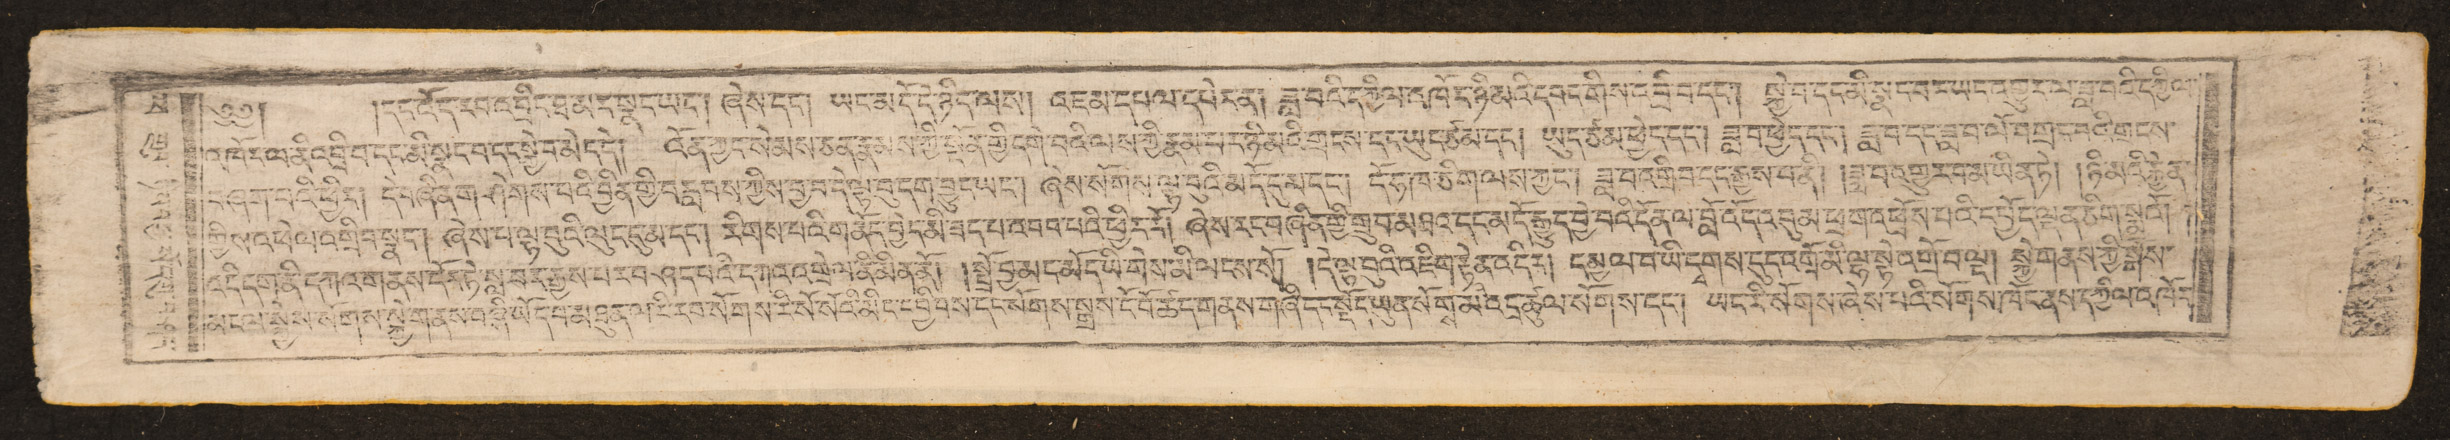༄༅། །དང་འོད་རབ་འབྲིང་ཐ་མར་སྣང་ཡང་། ཞེས་དང་། ཡང་མདོ་དེ་ཉིད་ལས། འཇམ་དཔལ་དཔེར་ན། ཟླ་བའི་དཀྱིལ་འཁོར་ཉི་མའི་དབང་གིས་འབྲི་བ་དང་། སྐྱེ་བ་དང་མི་སྣང་བར་ཡང་འགྱུར་ལ་ཟླ་བའི་དཀྱིལ་
འཁོར་ལ་ནི་འབྲི་བ་དང་མི་སྣང་བ་དང་སྐྱེ་བ་མེད་དེ། འོན་ཀྱང་སེམས་ཅན་རྣམས་ཀྱི་སྔོན་གྱི་དགེ་བའི་ལས་ཀྱི་རྣམ་པར་ཉི་མའི་གྲངས་དང་ཡུད་ཙམ་དང་། ཡུད་ཙམ་ཕྱེད་དང་། ཟླ་བ་ཕྱེད་དང་། ཟླ་བ་དང་ཟླ་བ་ལོ་བགྲང་བའི་གྲངས་
བཞག་པའི་ཕྱིར། དེ་བཞིན་གཤེགས་པའི་བྱིན་གྱི་བརླབས་ཀྱིས་བྱ་བ་དེ་ལྟ་བུ་དག་བྱུང་ཡང་། ཞེས་སོགས་ལྟ་བུའི་མདོ་དུ་མ་དང་། དོ་ཧ་ཁ་ཅིག་ལས་ཀྱང་། ཟླ་བ་འགྲིབ་དང་རྒྱས་པ་ནི། །ཟླ་བ་འགྱུར་བ་མ་ཡིན་ཏེ། །ཉི་མའི་རྐྱེན་
གྱིས་འཕེལ་འགྲིབ་སྣང་། ཞེས་པ་ལྟ་བུའི་ལུང་དུ་མ་དང་། རིགས་པའི་གནོད་བྱེད་མི་ཟད་པ་འབབ་པའི་ཕྱིར་རོ། ཞེས་རང་བཞིན་གྱི་གྲུབ་མཐའ་དང་མདོ་རྒྱུད་བྱེ་བའི་དོན་ལ་བློ་འོད་འབུམ་ཕྲག་འཕྲོས་པའི་དཔྱོད་ལྡན་ཅིག་སྨྲའོ། །
འདི་དག་ནི་དཀའ་གནས་དོར་ཏེ་སླ་བར་རྒྱས་པར་བཤད་པའི་དཀའ་འགྲེལ་ནི་མིན་ནོ། །སྤྲོ་བྱ་མང་མོད་ཡི་གེས་མི་ལངས་སོ། །དེ་ལྟ་བུའི་འཇིག་རྟེན་འདིར། དམྱལ་བ་ཡི་དྭགས་དུད་འགྲོ་མི་ལྷ་སྟེ་འགྲོ་བ་ལྔ། སྐྱེ་གནས་ཀྱི་སྒོས་
མངལ་སྐྱེས་སོགས་སྐྱེ་གནས་བཞི་ཡོད་པ་མཐུན་ལ་རི་རབ་སོགས་རི་སོ་སོའི་མིང་དབྱིབས་དང་སོགས་སྒྲས་ངོ་བོ་ཚད་གནས་གཞི་དང་སྡོད་ཡུན་སོགས་མི་འདྲ་ཚུལ་སོགས་དང་། ཡང་རི་སོགས་ཞེས་པའི་སོགས་ཁོང་ནས་དཀྱིལ་འཁོར་